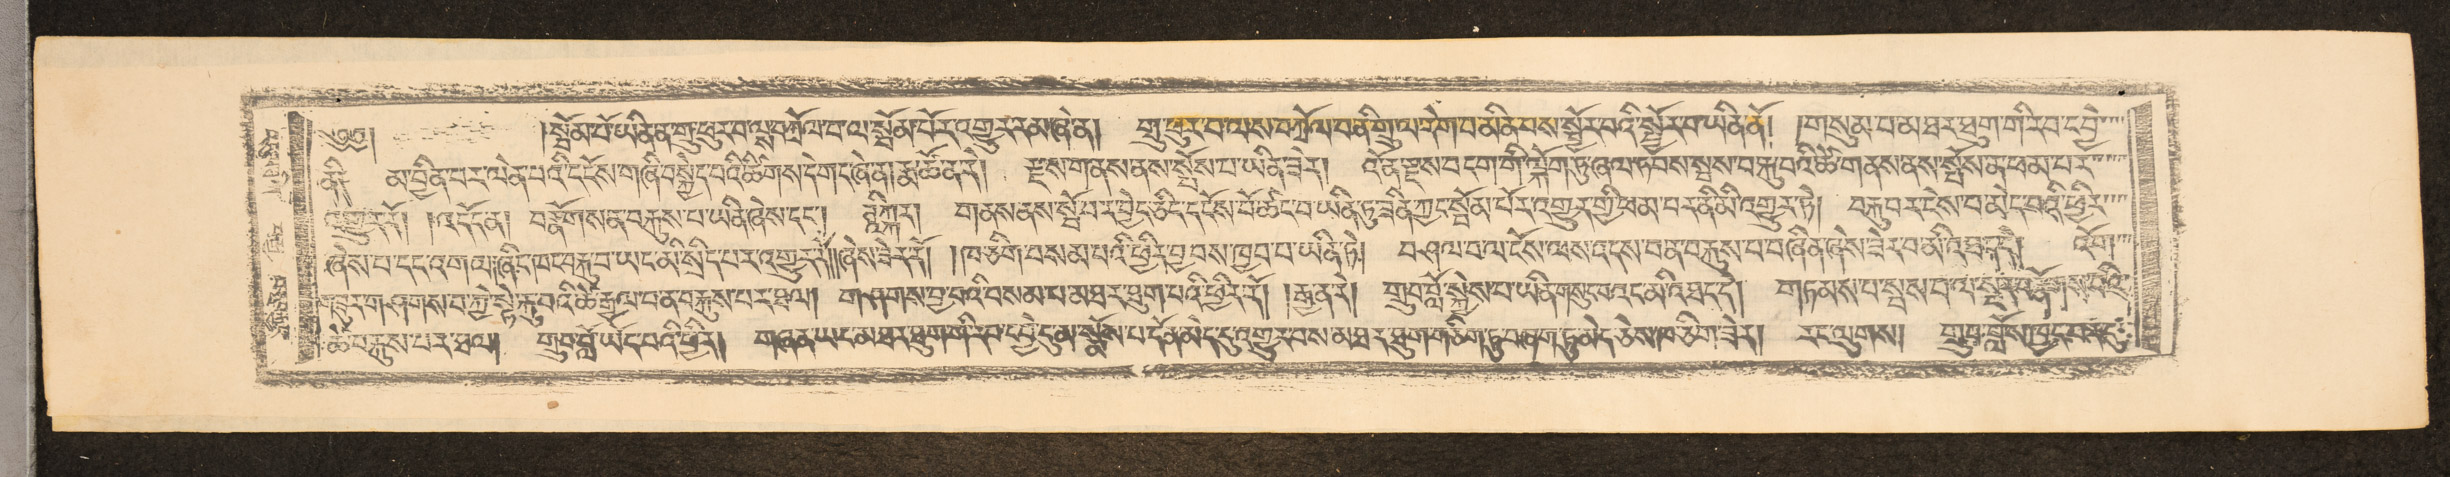༄༅། །སྦོམ་པོ་ཡིན་ན་གྲུ་ཕུར་བ་ལས་བཀྲོལ་བ་ལ་སྦོམ་པོར་འགྱུར་རམ་ཞེ་ན་གྲུ་ཕུར་བ་ལས་བཀྲོལ་བ་ནི་གྲུ་ལ་རེག་པ་མིན་པས་སྦྱོར་བའི་སྦྱོར་བ་ཡིན་ནོ། །གསུམ་པ་མཐར་ཐུག་གི་རབ་དབྱེ་
ནི༑ མ་བྱིན་པར་ལེན་པའི་དངོས་གཞི་བསྐྱེད་པའི་ཚིགས་དེ་གང་ཞེ་ན། རྨ་ཚོ་ན་རེ། རྫས་གནས་ནས་སྤོས་པ་ཡིན་ཟེར། འོ་ན་རྫས་བདག་གི་ལྐོག་ཏུ་ཞལ་ཏབས་སྦས་པ་རྐུ་བའི་ཚེ་གནས་ནས་སྤོས་ན་ཕམ་པར་
འགྱུར་རོ། །འདོད་ན། བརྣོགས་ན་བརྐུས་པ་ཡིན་ཞེས་དང་། ཊཱིཀྐར། གནས་ནས་སྤོ་བར་བྱེད་ཅིང་དངོས་པོ་ཚང་བ་ཡིན་ཏུ་ཟིན་ཀྱང་སྦོམ་པོར་འགྱུར་གྱི་ཕམ་པར་ནི་མི་འགྱུར་ཏེ། བརྐུ་བར་ངེས་པ་མེད་པའི་ཕྱིར་
ཞེས་པ་དང་འགལ་ཞིང་ཁང་བརྐུ་བ་ཡང་མི་སྲིད་པར་འགྱུར་རོ། །ཞེས་ཟེར་རོ། །ཁ་ཅིག་བསམ་པའི་ཕྱིར་བྱ་བས་ཁྱབ་པ་ཡིན་ཏེ། བཤལ་བ་ལོངས་ལས་འདས་པ་ན་བརྐུས་པ་བཞིན་ཞེས་ཟེར་བ་མི་འཐད་དེ། འོག་
གཟུར་གཤགས་བཀྱེ་སྟེ་རྐུ་བའི་ཚེ་རྒྱལ་བ་ན་བརྐུས་པར་ཐལ། གཤགས་བྱ་བའི་བསམ་པ་མཐར་ཐུག་པའི་ཕྱིར་རོ། །རྒྱ་ན་རེ། གྲུབ་བློ་སྐྱེས་པ་ཡིན་གསུང་པའང་མི་འཐད་དེ། གཏམས་པ་སྦས་པ་ལ་སྔར་བརྣོགས་པའི་
ཚེ་བརྐུས་པར་ཐལ། གྲུབ་བློ་ཡོད་པའི་ཕྱིར། གཞན་ཡང་མཐར་ཐུག་གི་རབ་དབྱེ་དུ་མ་སྨོས་པ་དོན་མེད་དུ་འགྱུར་བས་མཐར་ཐུག་གཅིག་ཏུ་བཞག་ཏུ་མེད་ཅེས་ཁ་ཅིག་ཟེར། རང་ལུགས། གྲུབ་བློས་ཁྱད་པར་དུ་